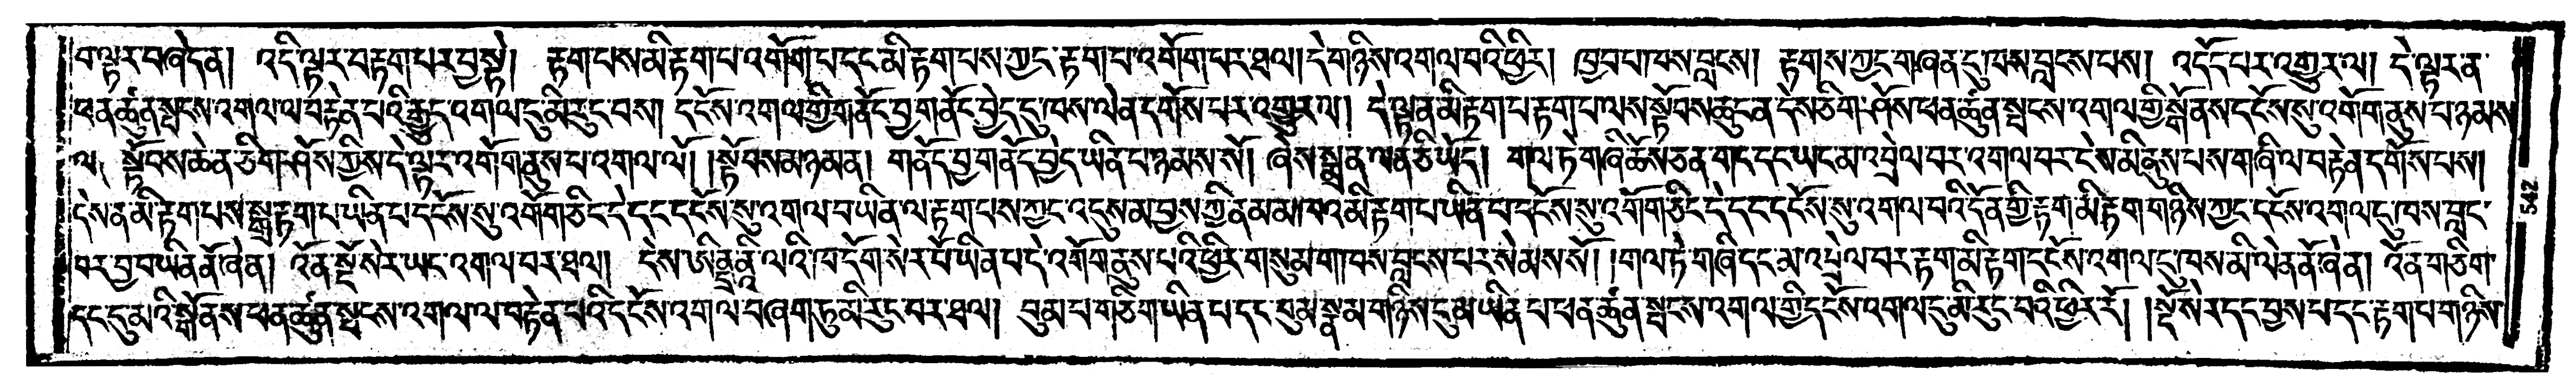བ་ལྟར་བཞེད་ན། འདི་ལྟར་བརྟག་པར་བྱ་སྟེ། རྟག་པས་མི་རྟག་པ་འགོག་པ་དང་མི་རྟག་པས་ཀྱང་རྟག་པ་འགོག་པར་ཐལ། དེ་གཉིས་འགལ་བའི་ཕྱིར། ཁྱབ་པ་ཁས་བླངས། རྟགས་ཀྱང་གཞན་དུ་ཁས་བླངས་པས། འདོད་པར་འགྱུར་ལ། དེ་ལྟར་ན་
ཕན་ཚུན་སྤངས་འགལ་ལ་བརྟེན་པའི་རྒྱུད་འགལ་དུ་མི་རུང་བས། དངོས་འགལ་གྱི་གནོད་བྱ་གནོད་བྱེད་དུ་ཁས་ལེན་དགོས་པར་འགྱུར་ལ། དེ་ལྟ་ན་མི་རྟག་པ་རྟག་པ་ལས་སྟོབས་ཆུང་ན་དེས་ཅིག་ཤོས་ཕན་ཚུན་སྤངས་འགལ་གྱི་སྒོ་ནས་དངོས་སུ་འགོག་ནུས་པ་ཉམས་
ལ། སྟོབས་ཆེན་ཅིག་ཤོས་ཀྱིས་དེ་ལྟར་འགོག་ནུས་པ་འགལ་ལོ། །སྟོབས་མཉམ་ན། གནོད་བྱ་གནོད་བྱེད་ཡིན་པ་ཉམས་སོ། ཞེས་སྨྲ་ན་ལན་ཅི་ཡོད། གལ་ཏེ་གཞི་ཆོས་ཅན་གང་དང་ཡང་མ་འབྲེལ་བར་འགལ་བར་ངེས་མི་ནུས་པས་གཞི་ལ་བརྟེན་དགོས་པས།
དེས་ན་མི་རྟག་པས་སྒྲ་རྟག་པ་ཡིན་པ་དངོས་སུ་འགོག་ཅིང་དེ་དང་དངོས་སུ་འགལ་བ་ཡིན་ལ་རྟག་པས་ཀྱང་འདུས་མ་བྱས་ཀྱི་ནམ་མཁའ་མི་རྟག་པ་ཡིན་པ་དངོས་སུ་འགོག་ཅིང་དེ་དང་དངོས་སུ་འགལ་བའི་དོན་གྱི་རྟག་མི་རྟག་གཉིས་ཀྱང་དངོས་འགལ་དུ་ཁས་བླང་
བར་བྱ་བ་ཡིན་ནོ་ཞེ་ན། འོ་ན་སྔོ་སེར་ཡང་འགལ་བར་ཐལ། དེས་ཨིནྡྲ་ནཱི་ལའི་ཁ་དོག་སེར་པོ་ཡིན་པ་དེ་འགོག་ནུས་པའི་ཕྱིར་གསུམ་ག་ཁས་བླངས་པར་སེམས་སོ། །གལ་ཏེ་གཞི་དང་མ་འབྲེལ་བར་རྟག་མི་རྟག་དངོས་འགལ་དུ་ཁས་མི་ལེན་ནོ་ཞེ་ན། འོ་ན་གཅིག་
དང་དུ་མའི་སྒོ་ནས་ཕན་ཚུན་སྤངས་འགལ་ལ་བརྟེན་པའི་དངོས་འགལ་བཞག་ཏུ་མི་རུང་བར་ཐལ། བུམ་པ་གཅིག་ཡིན་པ་དང་བུམ་སྣམ་གཉིས་དུ་མ་ཡིན་པ་ཕན་ཚུན་སྤངས་འགལ་གྱི་དངོས་འགལ་དུ་མི་རུང་བའི་ཕྱིར་རོ། །སྔོ་སེར་དང་བྱས་པ་དང་རྟག་པ་གཉིས་